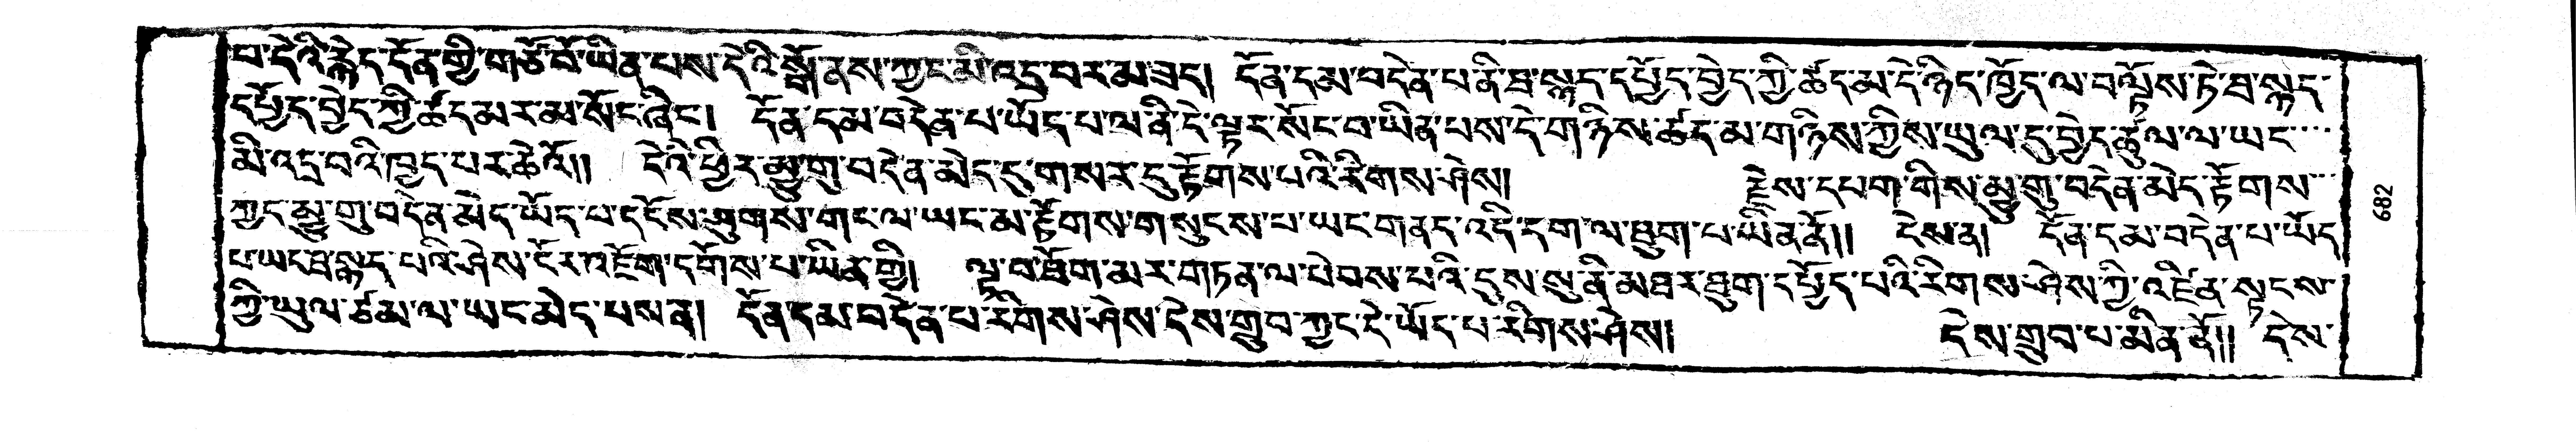པ་དེའི་རྙེད་དོན་གྱི་གཙོ་བོ་ཡིན་པས་དེའི་སྒོ་ནས་ཀྱང་མི་འདྲ་བར་མ་ཟད། དོན་དམ་བདེན་པ་ནི་ཐ་སྙད་དཔྱོད་བྱེད་ཀྱི་ཚད་མ་དེ་ཉིད་ཁྱོད་ལ་བལྟོས་ཏེ་ཐ་སྙད་
དཔྱོད་བྱེད་ཀྱི་ཚད་མར་མ་སོང་ཞིང་། དོན་དམ་བདེན་པ་ཡོད་པ་ལ་ནི་དེ་ལྟར་སོང་བ་ཡིན་པས་དེ་གཉིས་ཚད་མ་གཉིས་ཀྱིས་ཡུལ་དུ་བྱེད་ཚུལ་ལ་ཡང་
མི་འདྲ་བའི་ཁྱད་པར་ཆེའོ། །དེའི་ཕྱིར་མྱུ་གུ་བདེན་མེད་དུ་གསར་དུ་རྟོགས་པའི་རིགས་ཤེས། རྗེས་དཔག་གིས་མྱུ་གུ་བདེན་མེད་རྟོགས་
ཀྱང་མྱུ་གུ་བདེན་མེད་ཡོད་པ་དངོས་ཤུགས་གང་ལ་ཡང་མ་རྟོགས་གསུངས་པ་ཡང་གནད་འདི་དག་ལ་ཐུག་པ་ཡིན་ནོ། །དེས་ན། དོན་དམ་བདེན་པ་ཡོད་
པ་ཡང་ཐ་སྙད་པའི་ཤེས་ངོར་འཇོག་དགོས་པ་ཡིན་གྱི། ལྟ་བ་ཐོག་མར་གཏན་ལ་ཕེབས་པའི་དུས་སུ་ནི་མཐར་ཐུག་དཔྱོད་པའི་རིགས་ཤེས་ཀྱི་འཛིན་སྟངས་
ཀྱི་ཡུལ་ཙམ་ལ་ཡང་མེད་པས་ན། དོན་དམ་བདེན་པ་རིགས་ཤེས་དེས་གྲུབ་ཀྱང་དེ་ཡོད་པ་རིགས་ཤེས། དེས་གྲུབ་པ་མིན་ནོ། །དེས་